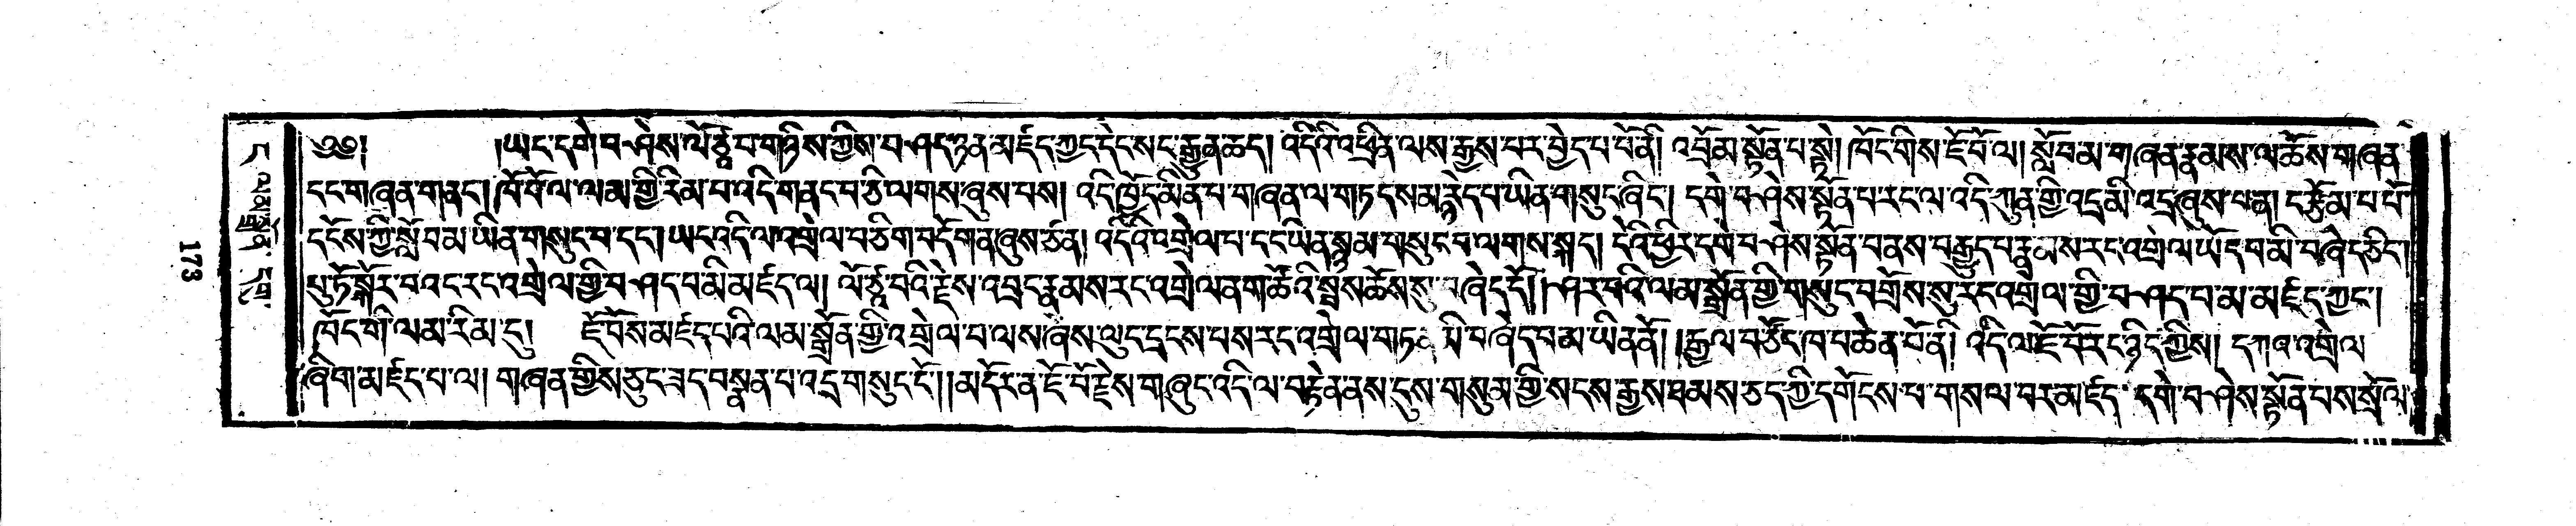༄༅། །ཡང་དགེ་བཤེས་ལོ་ཙཱ་བ་གཉིས་ཀྱིས་བཤད་ཉན་མཛད་ཀྱང་དེང་སང་རྒྱུན་ཆད། འདིའི་འཕྲིན་ལས་རྒྱས་པར་བྱེད་པ་པོ་ནི། འབྲོམ་སྟོན་པ་སྟེ། ཁོང་གིས་ཇོ་བོ་ལ། སློབ་མ་གཞན་རྣམས་ལ་ཆོས་གཞན་
དང་གཞན་གནང་། ཁོ་བོ་ལ་ལམ་གྱི་རིམ་པ་འདི་གནང་བ་ཅི་ལགས་ཞུས་པས། འདི་ཁྱོད་མིན་པ་གཞན་ལ་གཏད་ས་མ་རྙེད་པ་ཡིན་གསུང་ཞིང་། དགེ་བཤེས་སྟོན་པ་རང་ལ་འདི་ཀུན་གྱི་འདྲ་མི་འདྲ་ཞུས་པ་ན། ང་རྩོམ་པ་པོ་
དངོས་ཀྱི་སློབ་མ་ཡིན་གསུང་བ་དང་། ཡང་འདི་ལ་འགྲེལ་པ་ཅིག་བདོག་ན་ཞུས་ཙ་ན། འདིའི་འགྲེལ་པ་དང་ཡིན་སྙམ་གསུང་བ་ལགས་སྐད། དེའི་ཕྱིར་དགེ་བཤེས་སྟོན་པ་ནས་བརྒྱུད་པ་རྣམས་རང་འགྲེལ་ཡོད་པ་མི་བཞེད་ཅིང་
པུ་ཏོ་སྐོར་བའང་རང་འགྲེལ་གྱི་བཤད་པ་མི་མཛད་ལ། ལོ་ཙཱ་བའི་རྗེས་འབྲང་རྣམས་རང་འགྲེལ་ནག་ཚོའི་སྦས་ཆོས་སུ་བཞེད་དོ། །ཤར་?་བའི་ལམ་སྒྲོན་གྱི་གསུང་བགྲོས་སུ་རང་འགྲེལ་གྱི་བཤད་པ་མ་མཛད་ཀྱང་།
ཁོང་གི་ལམ་རིམ་དུ། ཇོ་བོས་མཛད་པའི་ལམ་སྒྲོན་གྱི་འགྲེལ་པ་ལས་ཞེས་ལུང་དྲངས་པས་རང་འགྲེལ་གཏན་མི་བཞེད་པ་མ་ཡིན་ནོ། །རྒྱལ་བ་ཙོང་ཁ་པ་ཆེན་པོ་ནི། འདི་ལ་ཇོ་བོ་རང་ཉིད་ཀྱིས། དཀའ་འགྲེལ་
ཞིག་མཛད་པ་ལ། གཞན་གྱིས་ཅུང་ཟད་བསྣན་པ་འདྲ་གསུང་ངོ། །མདོར་ན་ཇོ་བོ་རྗེས་གཞུང་འདི་ལ་བརྟེན་ནས་དུས་གསུམ་གྱི་སངས་རྒྱས་ཐམས་ཅད་ཀྱི་དགོངས་པ་གསལ་བར་མཛད། དགེ་བཤེས་སྟོན་པས་སྲོལ་